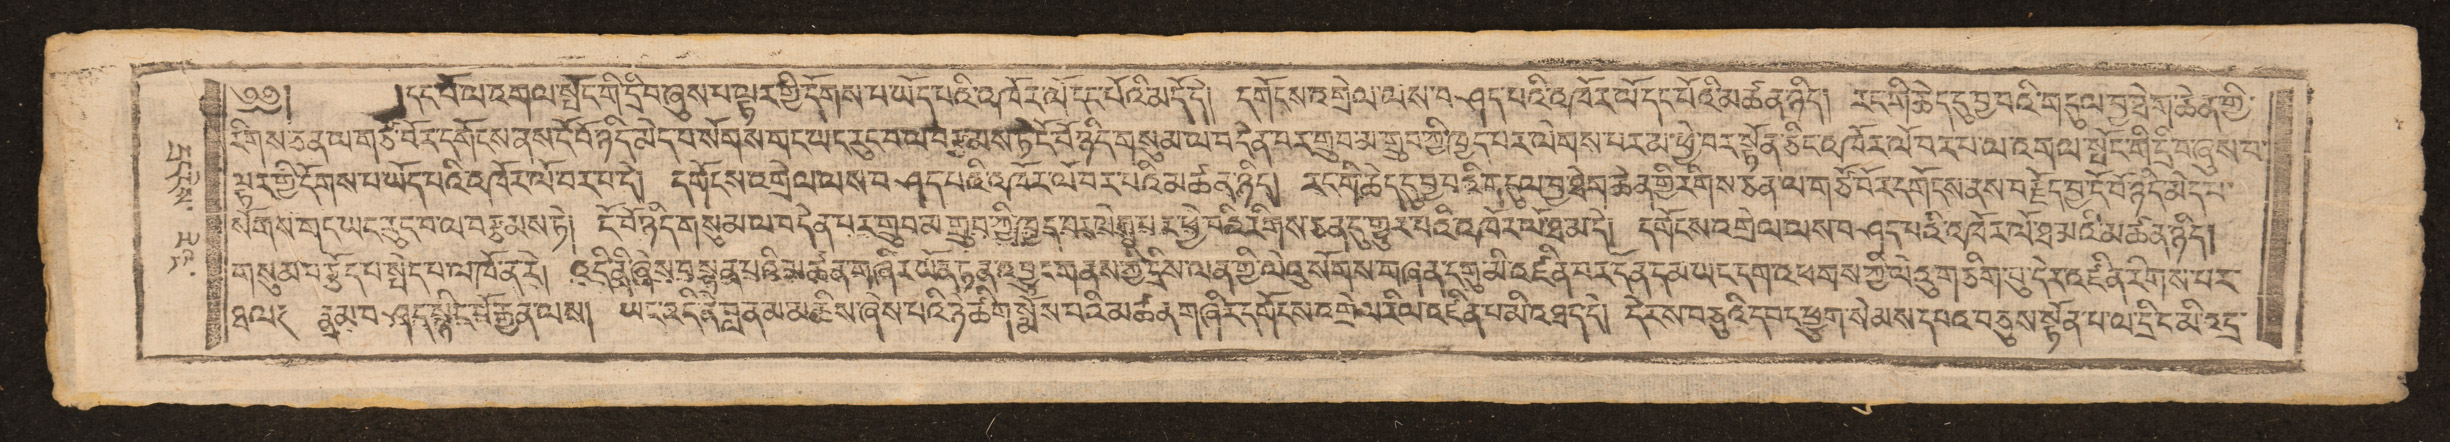༄༅། །དང་པོ་ལ་འགལ་སྤོང་གི་དྲི་བ་ཞུས་པ་ལྟར་གྱི་དོགས་པ་ཡོད་པའི་འཁོར་ལོ་དང་པོའི་མདོ་དེ། དགོངས་འགྲེལ་ལས་བཤད་པའི་འཁོར་ལོ་དང་པོའི་མཚན་ཉིད། རང་གི་ཆེད་དུ་བྱ་བའི་གདུལ་བྱ་ཐེག་ཆེན་གྱི་
རིགས་ཅན་ལ་གཙོ་བོར་དགོངས་ནས་ངོ་བོ་ཉིད་མེད་པ་སོགས་གང་ཡང་རུང་བ་ལ་བརྩམས་ཏེ་ངོ་བོ་ཉིད་གསུམ་ལ་བདེན་པར་གྲུབ་མ་གྲུབ་ཀྱི་ཁྱད་པར་ལེགས་པར་མ་ཕྱེ་བར་སྟོན་ཅིང་འཁོར་ལོ་བར་པ་ལ་འགལ་སྤོང་གི་དྲི་བ་ཞུས་པ་
ལྟར་གྱི་དོགས་པ་ཡོད་པའི་འཁོར་ལོ་བར་པ་དེ། དགོངས་འགྲེལ་ལས་བཤད་པའི་འཁོར་ལོ་བར་པའི་མཚན་ཉིད། རང་གི་ཆེད་དུ་བྱ་བའི་གདུལ་བྱ་ཐེག་ཆེན་གྱི་རིགས་ཅན་ལ་གཙོ་བོར་དགོངས་ནས་བརྗོད་བྱ་ངོ་བོ་ཉིད་མེད་པ་
སོགས་གང་ཡང་རུང་བ་ལ་བརྩམས་ཏེ། ངོ་བོ་ཉིད་གསུམ་ལ་བདེན་པར་གྲུབ་མ་གྲུབ་ཀྱི་ཁྱད་པར་ལེགས་པར་ཕྱེ་བའི་རིགས་ཅན་དུ་གྱུར་བའི་འཁོར་ལོ་ཐ་མ་དེ། དགོངས་འགྲེལ་ལས་བཤད་པའི་འཁོར་ལོ་ཐ་མའི་མཚན་ཉིད།
གསུམ་བརྩོད་པ་སྤོང་བ་ལ་ཁོ་ན་རེ། འདི་ནི་ཞེས་བསྟན་པའི་མཚན་གཞིར་ཡོན་ཏན་འབྱུང་གནས་ཀྱི་དྲིས་ལན་གྱི་ལེའུ་སོགས་གཞན་དགུ་མི་འཛིན་པར་དོན་དམ་ཡང་དག་འཕགས་ཀྱི་ལེའུ་གཅིག་པུ་དེར་འཛིན་རིགས་པར་
ཐལ༑ རྣམ་བཤད་སྙིང་པོ་རྒྱན་ལས། ཡང་འདི་ནི་བླ་ན་མ་མཆིས་ཞེས་པའི་ཉེ་ཚིག་སྨོས་པའི་མཚན་གཞིར་དགོངས་འགྲེལ་རིལ་འཛིན་པ་མི་འཐད་དེ། དེར་ས་བཅུའི་དབང་ཕྱུག་སེམས་དཔའ་བཅུས་སྟོན་པ་ལ་དྲི་བ་མི་འདྲ་